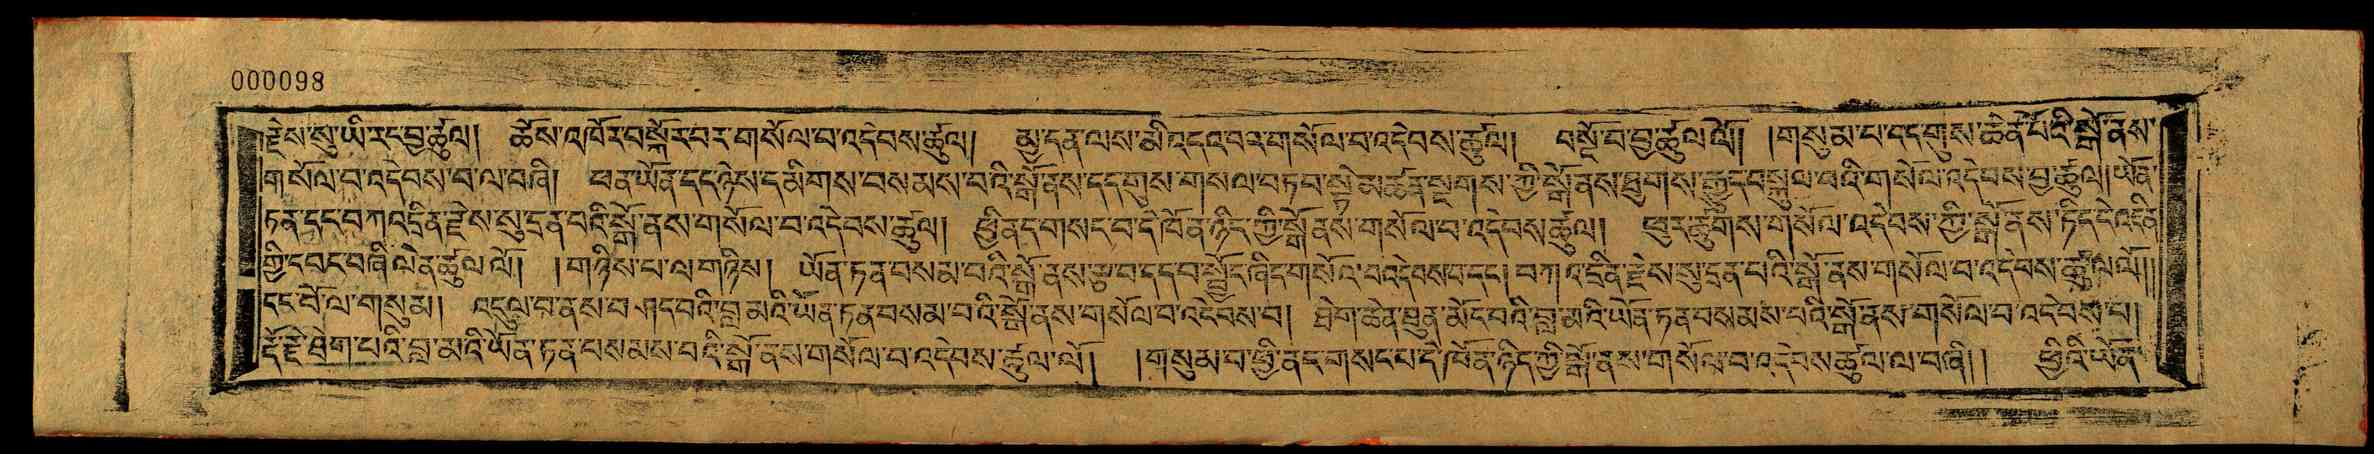རྗེས་སུ་ཡི་རང་བྱ་ཚུལ། ཆོས་འཁོར་བསྐོར་བར་གསོལ་བ་འདེབས་ཚུལ། མྱ་ངན་ལས་མི་འདའ་བར་གསོལ་བ་འདེབས་ཚུལ། བསྔོ་བ་བྱ་ཚུལ་ལོ། །གསུམ་པ་དད་གུས་ཆེན་པོའི་སྒོ་ནས་
གསོལ་བ་འདེབས་པ་ལ་བཞི། ཕན་ཡོན་དང་ཉེས་དམིགས་བསམས་པའི་སྒོ་ནས་དད་གུས་གསལ་བཏབ་སྟེ་མཚན་སྔགས་ཀྱི་སྒོ་ནས་ཐུགས་རྒྱུད་བསྐུལ་བའི་གསོལ་འདེབས་བྱ་ཚུལ། ཡོན་
ཏན་དང་བཀའ་དྲིན་རྗེས་སུ་དྲན་པའི་སྒོ་ནས་གསོལ་བ་འདེབས་ཚུལ། ཕྱི་ནང་གསང་བ་དེ་ཁོ་ན་ཉིད་ཀྱི་སྒོ་ནས་གསོལ་བ་འདེབས་ཚུལ། ཕུར་ཚུགས་གསོལ་འདེབས་ཀྱི་སྒོ་ནས་ཏིང་ངེ་འཛིན་
གྱི་དབང་བཞི་ལན་ཚུལ་ལོ། །གཉིས་པ་ལ་གཉིས། ཡོན་ཏན་བསམ་པའི་སྒོ་ནས་རྩ་བ་དད་པ་སྦྱོང་ཞིང་གསོལ་བ་འདེབས་པ་དང་། བཀའ་དྲིན་རྗེས་སུ་དྲན་པའི་སྒོ་ནས་གསོལ་བ་འདེབས་ཚུལ་ལོ།།
དང་པོ་ལ་གསུམ། འདུལ་བ་ནས་བཤད་པའི་བླ་མའི་ཡོན་ཏན་བསམ་པའི་སྒོ་ནས་གསོལ་བ་འདེབས་པ། ཐེག་ཆེན་ཐུན་མོང་བའི་བླ་མའི་ཡོན་ཏན་བསམས་པའི་སྒོ་ནས་གསོལ་བ་འདེབས་པ།
རྡོ་རྗེ་ཐེག་པའི་བླ་མའི་ཡོན་ཏན་བསམས་པའི་སྒོ་ནས་གསོལ་བ་འདེབས་ཚུལ་ལོ། །གསུམ་པ་ཕྱི་ནང་གསང་བ་དེ་ཁོ་ན་ཉིད་ཀྱི་སྒོ་ནས་གསོལ་བ་འདེབས་ཚུལ་ལ་བཞི།། ཕྱིའི་ཡོན་